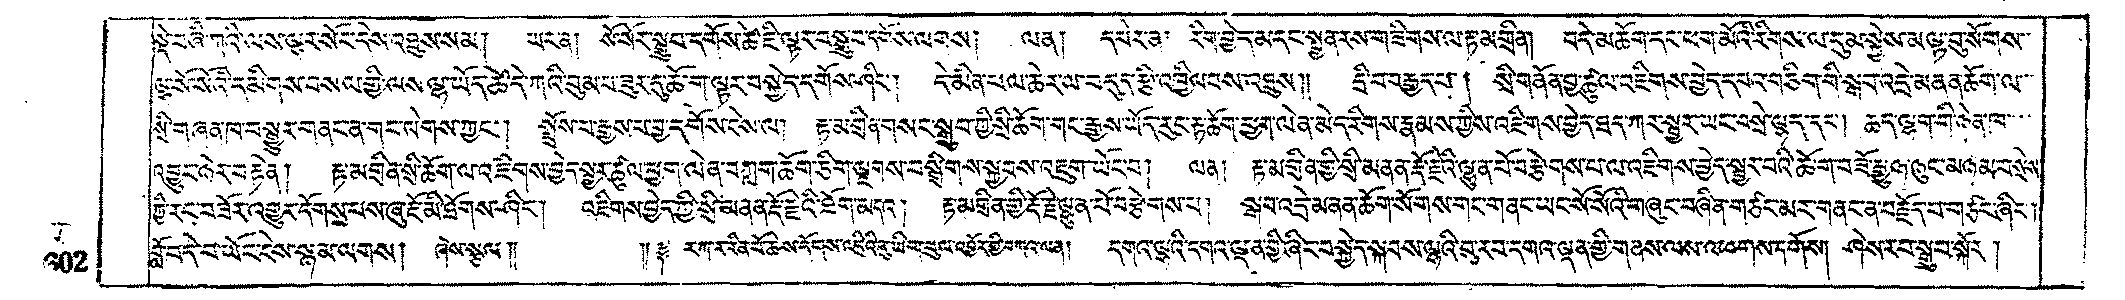སྡེ་བཞི་ཀའི་ལས་ལྷར་སོང་དེས་འཐུས་སམ། ཡང་ན། སོ་སོར་སྒྲུབ་དགོས་ཚེ་ཇི་ལྟར་བསྒྲུབ་དགོས་ལགས། ལན། དཔེར་ན། རིག་བྱེད་མ་དང་སྤྱན་རས་གཟིགས་ལ་རྟ་མགྲིན། བདེ་མཆོག་དང་ཕྱག་མོའི་རིགས་ལ་དུམ་སྐྱེས་མ་ལྟ་བུ་སོགས་་་
ལྷ་སོ་སོའི་དམིགས་བསལ་གྱི་ལས་ལྷ་ཡོད་ཚེ་དེ་ཀའི་བུམ་པ་ཟུར་དུ་ཆོ་ག་ལྟར་བསྐྱེད་དགོས་ཤིང་། དེ་མིན་ཕལ་ཆེར་ལ་བདུད་རྩི་འཁྱིལ་བས་འཐུས།། དྲི་བ་བརྒྱད་པ། སྲི་གནོན་བྱ་ཚུལ་འཇིགས་བྱེད་དཔའ་གཅིག་གི་སྒབ་འདྲེ་མནན་ཆོག་ལ་་་
སྲི་གཞན་ཁ་བསྒྱུར་གནང་ན་གང་ལེགས་ཀྱང་། སྤྲོས་པ་རྒྱས་པ་བྱ་དགོས་ངེས་ལ། རྟ་མགྲིན་གསང་སྒྲུབ་ཀྱི་སྲི་ཆོག་གང་རྒྱས་ཡོད་རུང་རྟ་ཆོག་ཕྱག་ལེན་མེད་རིགས་རྣམས་ཀྱིས་འཇིགས་བྱེད་ཐད་ཀར་སྦྱར་ཡང་བསྲེ་ལྷད་དང་། ཆད་ལྷག་གི་ཉེན་ཁ་་་
འབྱུང་ཉེར་བརྟེན། རྟ་མགྲིན་སྲི་ཆོག་ལ་འཇིགས་བྱེད་སྦྱར་ཚུལ་ཕྱག་ལེན་བཀླག་ཆོག་ཅིག་ལྗགས་བསྒྲིགས་སྐྱབས་འཇུག་ཡོང་བ། ལན། རྟ་མགྲིན་གྱི་སྲི་མནན་རྡོ་རྗེའི་ལྷུན་པོ་བརྩེགས་པ་ལ་འཇིགས་བྱེད་སྦྱར་བའི་ཆོ་ག་བཟོ་རྒྱུ་ཉ་ཉུང་མཉམ་བསྲེས་
ཀྱི་རང་བཟོར་འགྱུར་དོགས་པས་ཞུ་རྔོ་མི་ཐོགས་ཤིང་། འཇིགས་བྱེད་ཀྱི་སྲི་མནན་རྡོ་རྗེའི་ཐོག་མདའ། རྟ་མགྲིན་གྱི་རྡོ་རྗེ་ལྷུན་པོ་བརྩེགས་པ། སྒབ་འདྲེ་མནན་ཆོག་སོགས་གང་གནང་ཡང་སོ་སོའི་གཞུང་བཞིན་གཙང་མར་གནང་ན་བརྗོད་པ་གཙང་ཞིང་།
བློ་བདེ་བ་ཡོང་ངེས་སྙམ་ལགས། ཞེས་སྩལ།། །།འྲཀ་ར་རིན་པོ་ཆེས་དོགས་འདྲིའི་ཞུ་ཡིག་ཕུལ་འབྱོར་གྱི་བཀའ་ལན།  དགའ་ལྷའི་དགའ་ལྡན་གྱི་ཞིང་བསྐྱེད་སྐབས་ལྷའི་བུ་རབ་དགའ་ལྡན་གྱི་གནས་ལས་འཕགས་དགོས། ཤེས་རབ་སྒྲུབ་སྐོར།